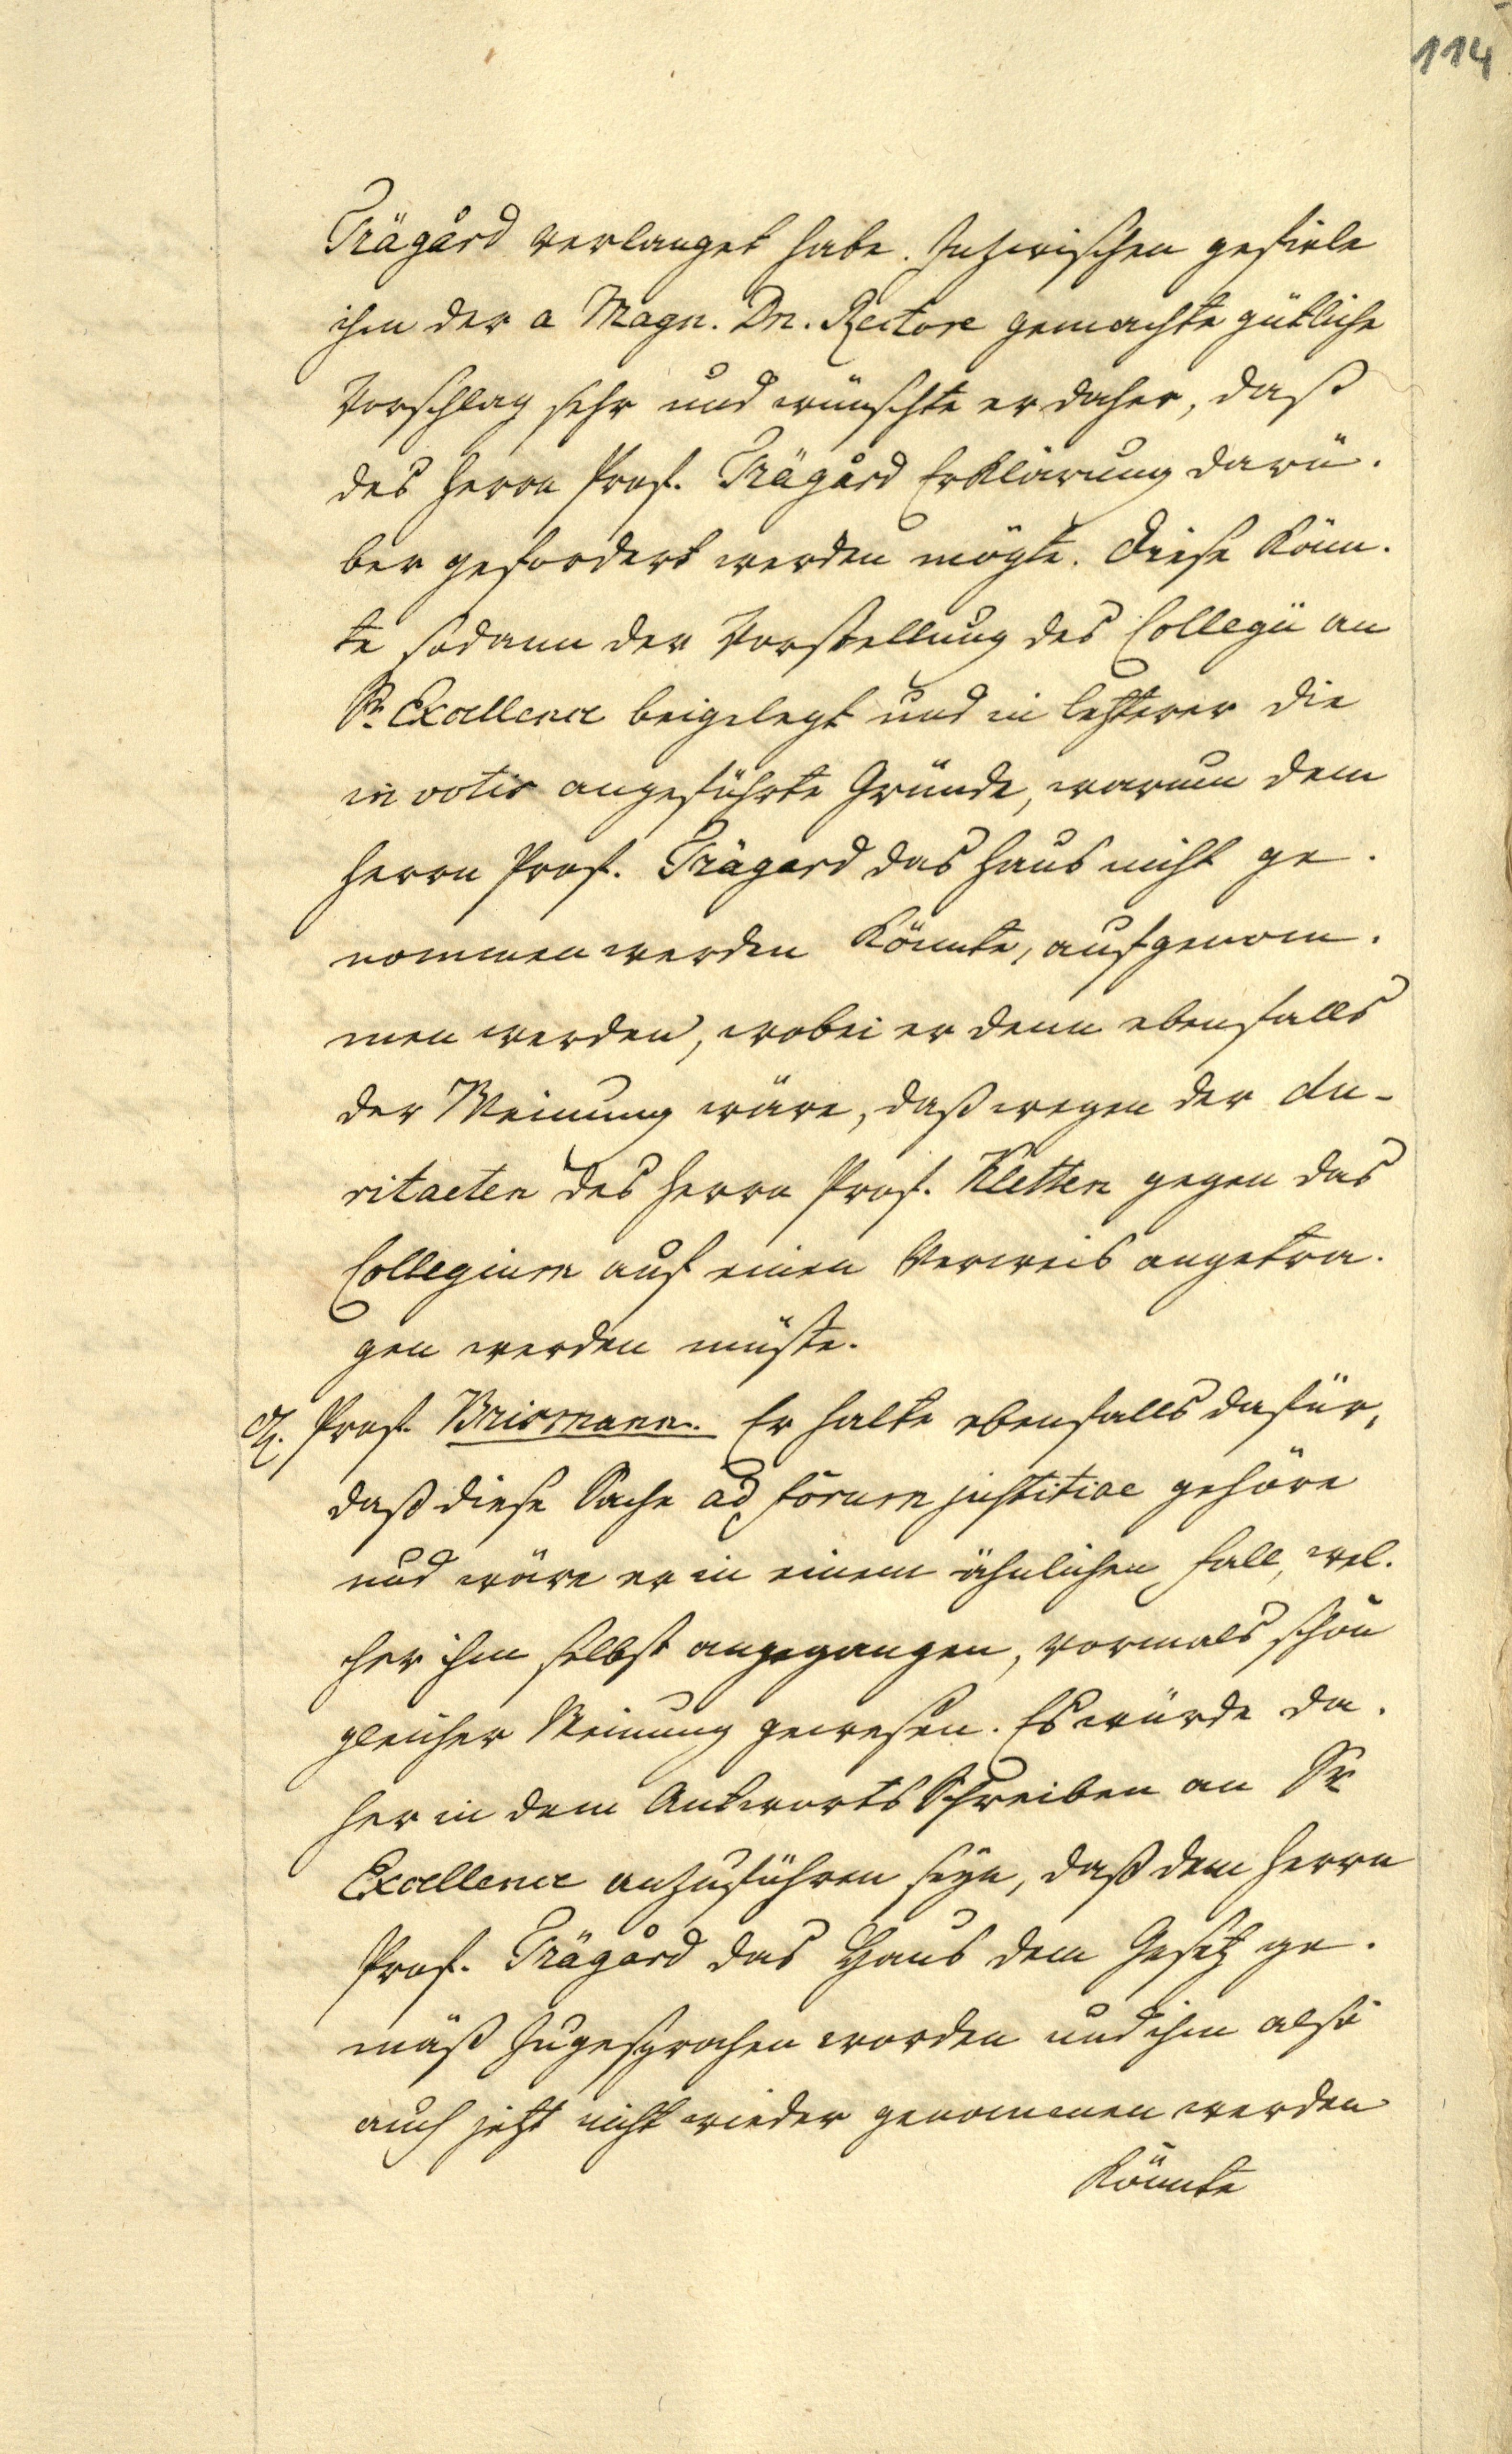Trägård verlanget habe. Inzwischen gefiele
ihm der a Magn. Dn. Rectore gemachte gütliche
Vorschlag sehr und wünschte er daher, daß
des Herrn Prof. Trägård Erklärung darü¬
ber gefordert werden mögte. Diese könne¬
te sodann der Vorstellung des Collegii an
Sr. Excellence beigelegt und in letzterer die
in votis angeführte Gründe, warum dem
Herrn Prof. Trägård das Haus nicht ge¬
nommen werden könnte, aufgenom¬
men werden, wobei er denn ebenfalls
der Meinung wäre, daß wegen der du¬
ritaeten des Herrn Prof. Kletten gegen das
Collegium auf einen Verweis angetra¬
gen werden müßte.
dh. Prof. Brismann Er halte ebenfalls dafür,
daß diese Sache ad. Forum justitiae gehöre
und wäre er in einem ähnlichen Fall, wel¬
cher ihm selbst angegangen, vormals schon
gleicher Meinung gewesen. Es würde da¬
her in dem Antworts Schreiben an Sr
Excellence anzuführen seÿn, daß dem Herrn
Prof. Trägård das Haus dem Gesetz ge¬
mäß zugesprochen worden und ihm also
auch jetzt nicht wieder genommen werden
könnte